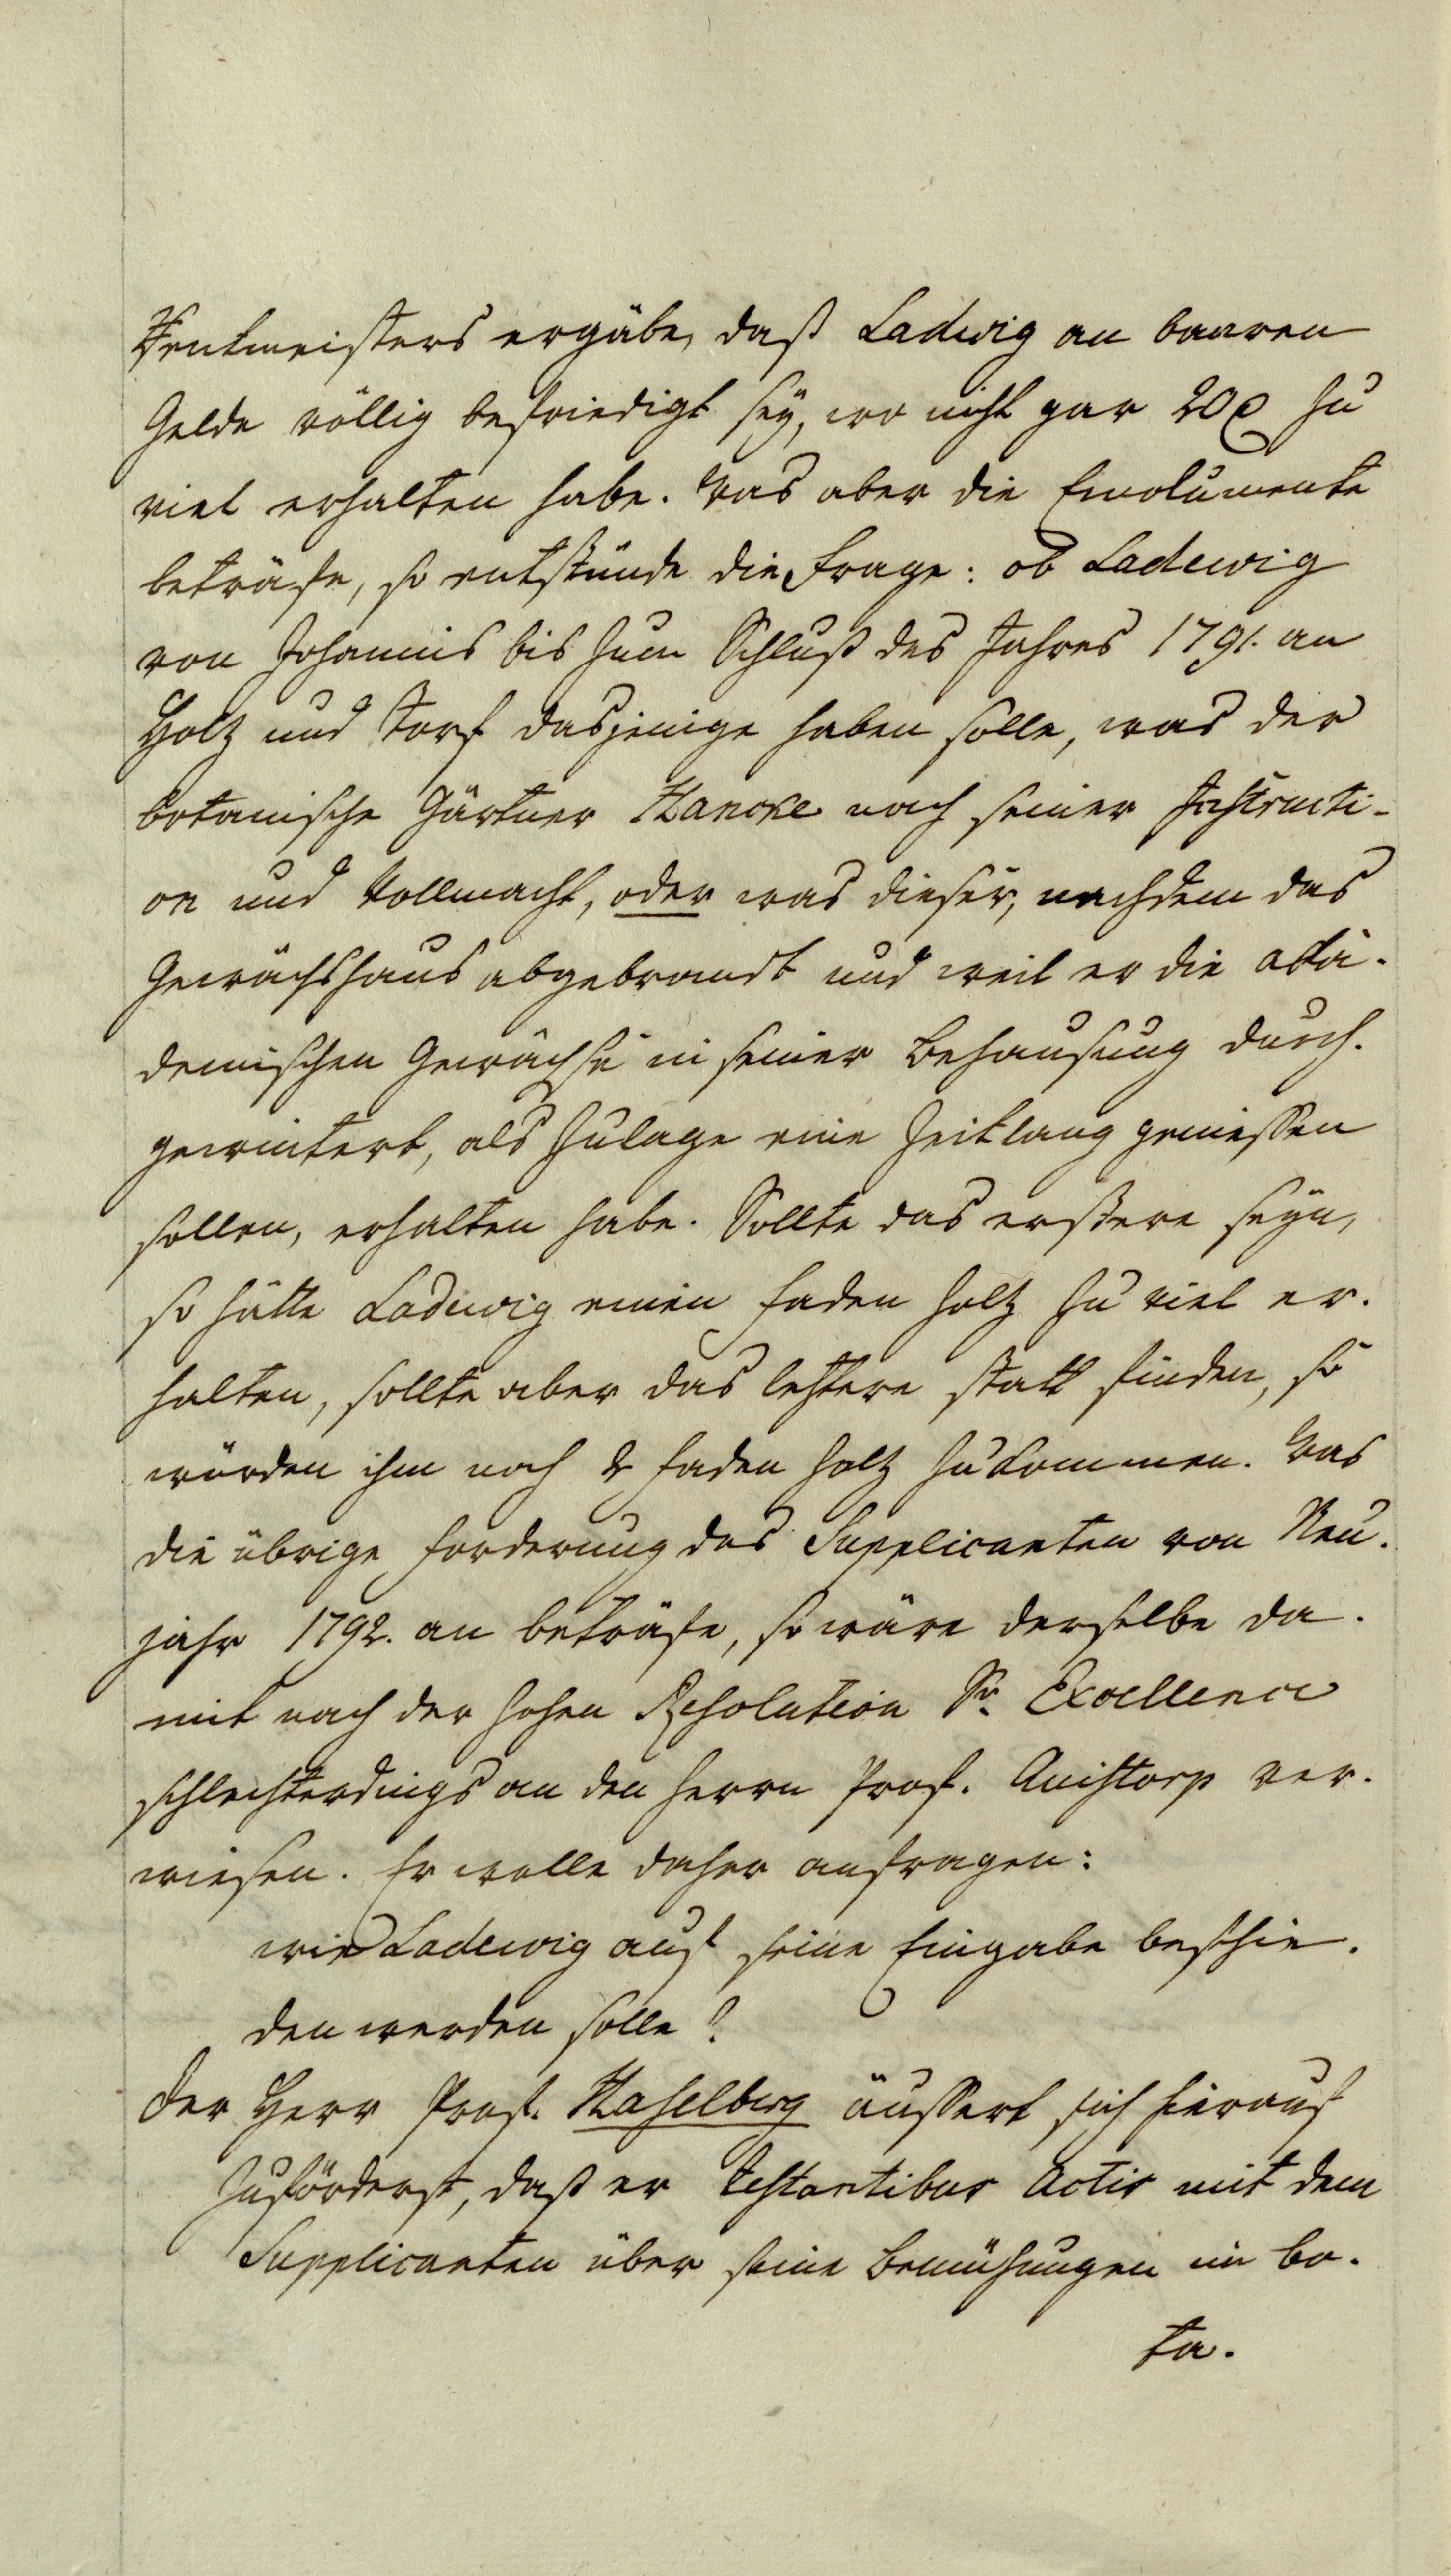Rentmeisters ergäbe, daß Ladwig an baaren
Gelde völlig befriedigt seÿ, wo nicht gar 20 rtl. zu
viel erhalten habe. Was aber die Emolumente
beträfe, so entstünde die Frage: ob Ladewig
von Johannis bis zum Schluß des Jahres 1791. an
Holz und Torf dasjenige haben solle, was der
botanische Gärtner Hancke nach seiner Instructi¬
on und Vollmacht, oder was dieser, nachdem das
Gewächshaus abgebrannt und weil er die aka¬
demischen Gewächse in seiner Behausung durch¬
gewintert, als Zulage eine zeitlang geniessen
sollen, erhalten habe. Sollte das erstere seÿn,
so hätte Ladewig einen Faden Holz zu viel er¬
halten, sollte aber das letztere statt finden, so
würden ihm noch 2 Faden Holz zukommen. Was
die übrige Forderung des Supplicanten von Neu¬
jahr 1792. an beträfe, so wäre derselbe da¬
mit nach der hohen Resolution Sr. Excellence
schlechterdings an den Herrn Prof. Quistorp ver¬
wiesen. Er wolle daher anfragen:
wie Ladewig auf seine Eingabe beschie¬
den werden solle?
Der Herr Prof. Haselberg äussert sich hierauf
zuförderst, daß er Restantibus Actis mit dem
Supplicanten über seine Bemühungen im bo¬
ta¬